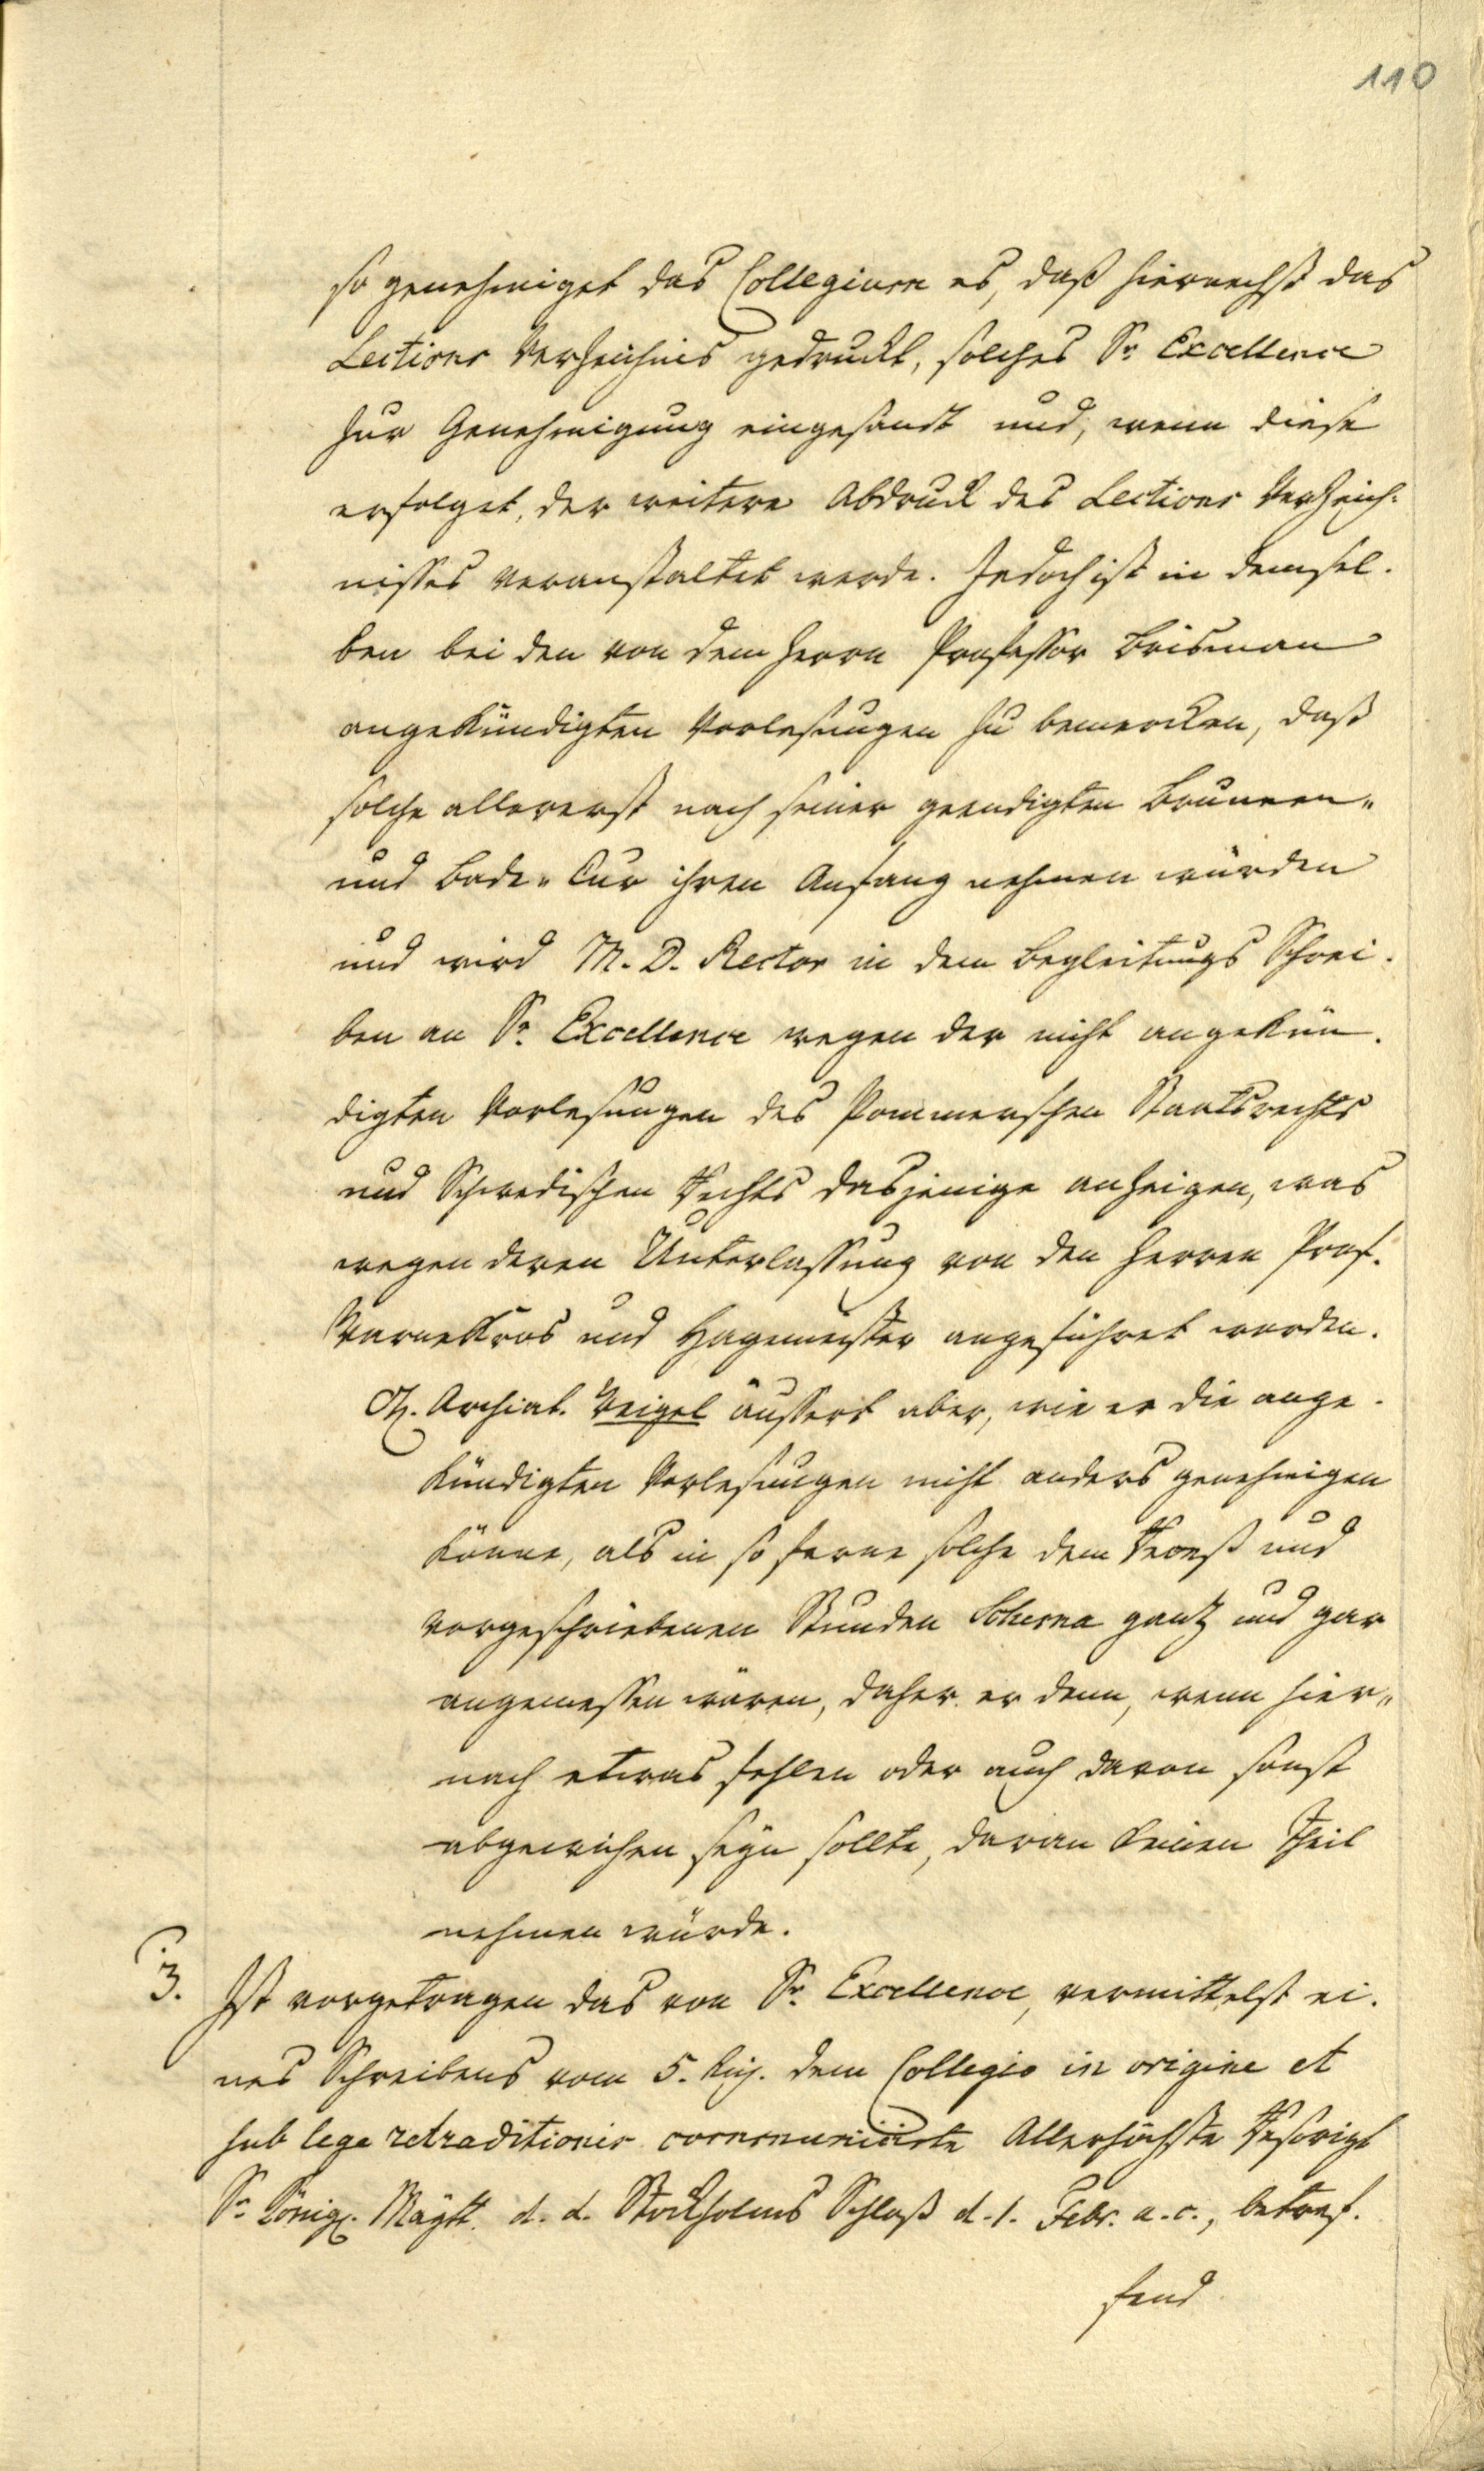so genehmiget das Collegium es, daß hiernechst das
Lections Verzeichnis gedruckt, solches Sr Excellence
zur Genehmigung eingesandt und, wenn diese
erfolget, der weitere Abdruck des Lections Verzeich¬
nisses veranstaltet werde. Jedoch ist in demsel¬
ben bei den von dem Herrn Professor Brisman
angekündigten Vorlesungen zu bemercken, daß
solche allererst nach seiner geendigten Brunnen¬
und Bade- Cur ihren Anfang nehmen würden
und wird M. D. Rector in dem Begleitungs Schrei¬
ben an Sr Excellence wegen der nicht angekün¬
digten Vorlesungen des Pommerschen Staatsrechts
und Schwedischen Rechts dasjenige anzeigen, was
wegen deren Unterlassung von den Herren Prof.
Warnekros und Hagemeister angeführet worden.
dh. Archiat. Weigel äussert aber, wie er die ange¬
kündigten Vorlesungen nicht anders genehmigen
könne, als in so ferne solche dem Receß und
vorgeschriebenen Stunden Schema ganz und gar
angemessen wären, daher er denn, wenn hier¬
nach etwas fehlen oder auch davon sonst
abgewichen seÿn sollte, daran keinen Theil
nehmen würde.
3. Ist vorgetragen das von Sr. Excellence vermittelst ei¬
nes Schreibens vom 5. huj. dem Collegio in origine et
sub lege retraditionis communicirte Allerhöchste Rescript
Sr. König. Maÿtt. d. d. Stockholms Schloß d 1. Febr. a. c., betref¬
fend